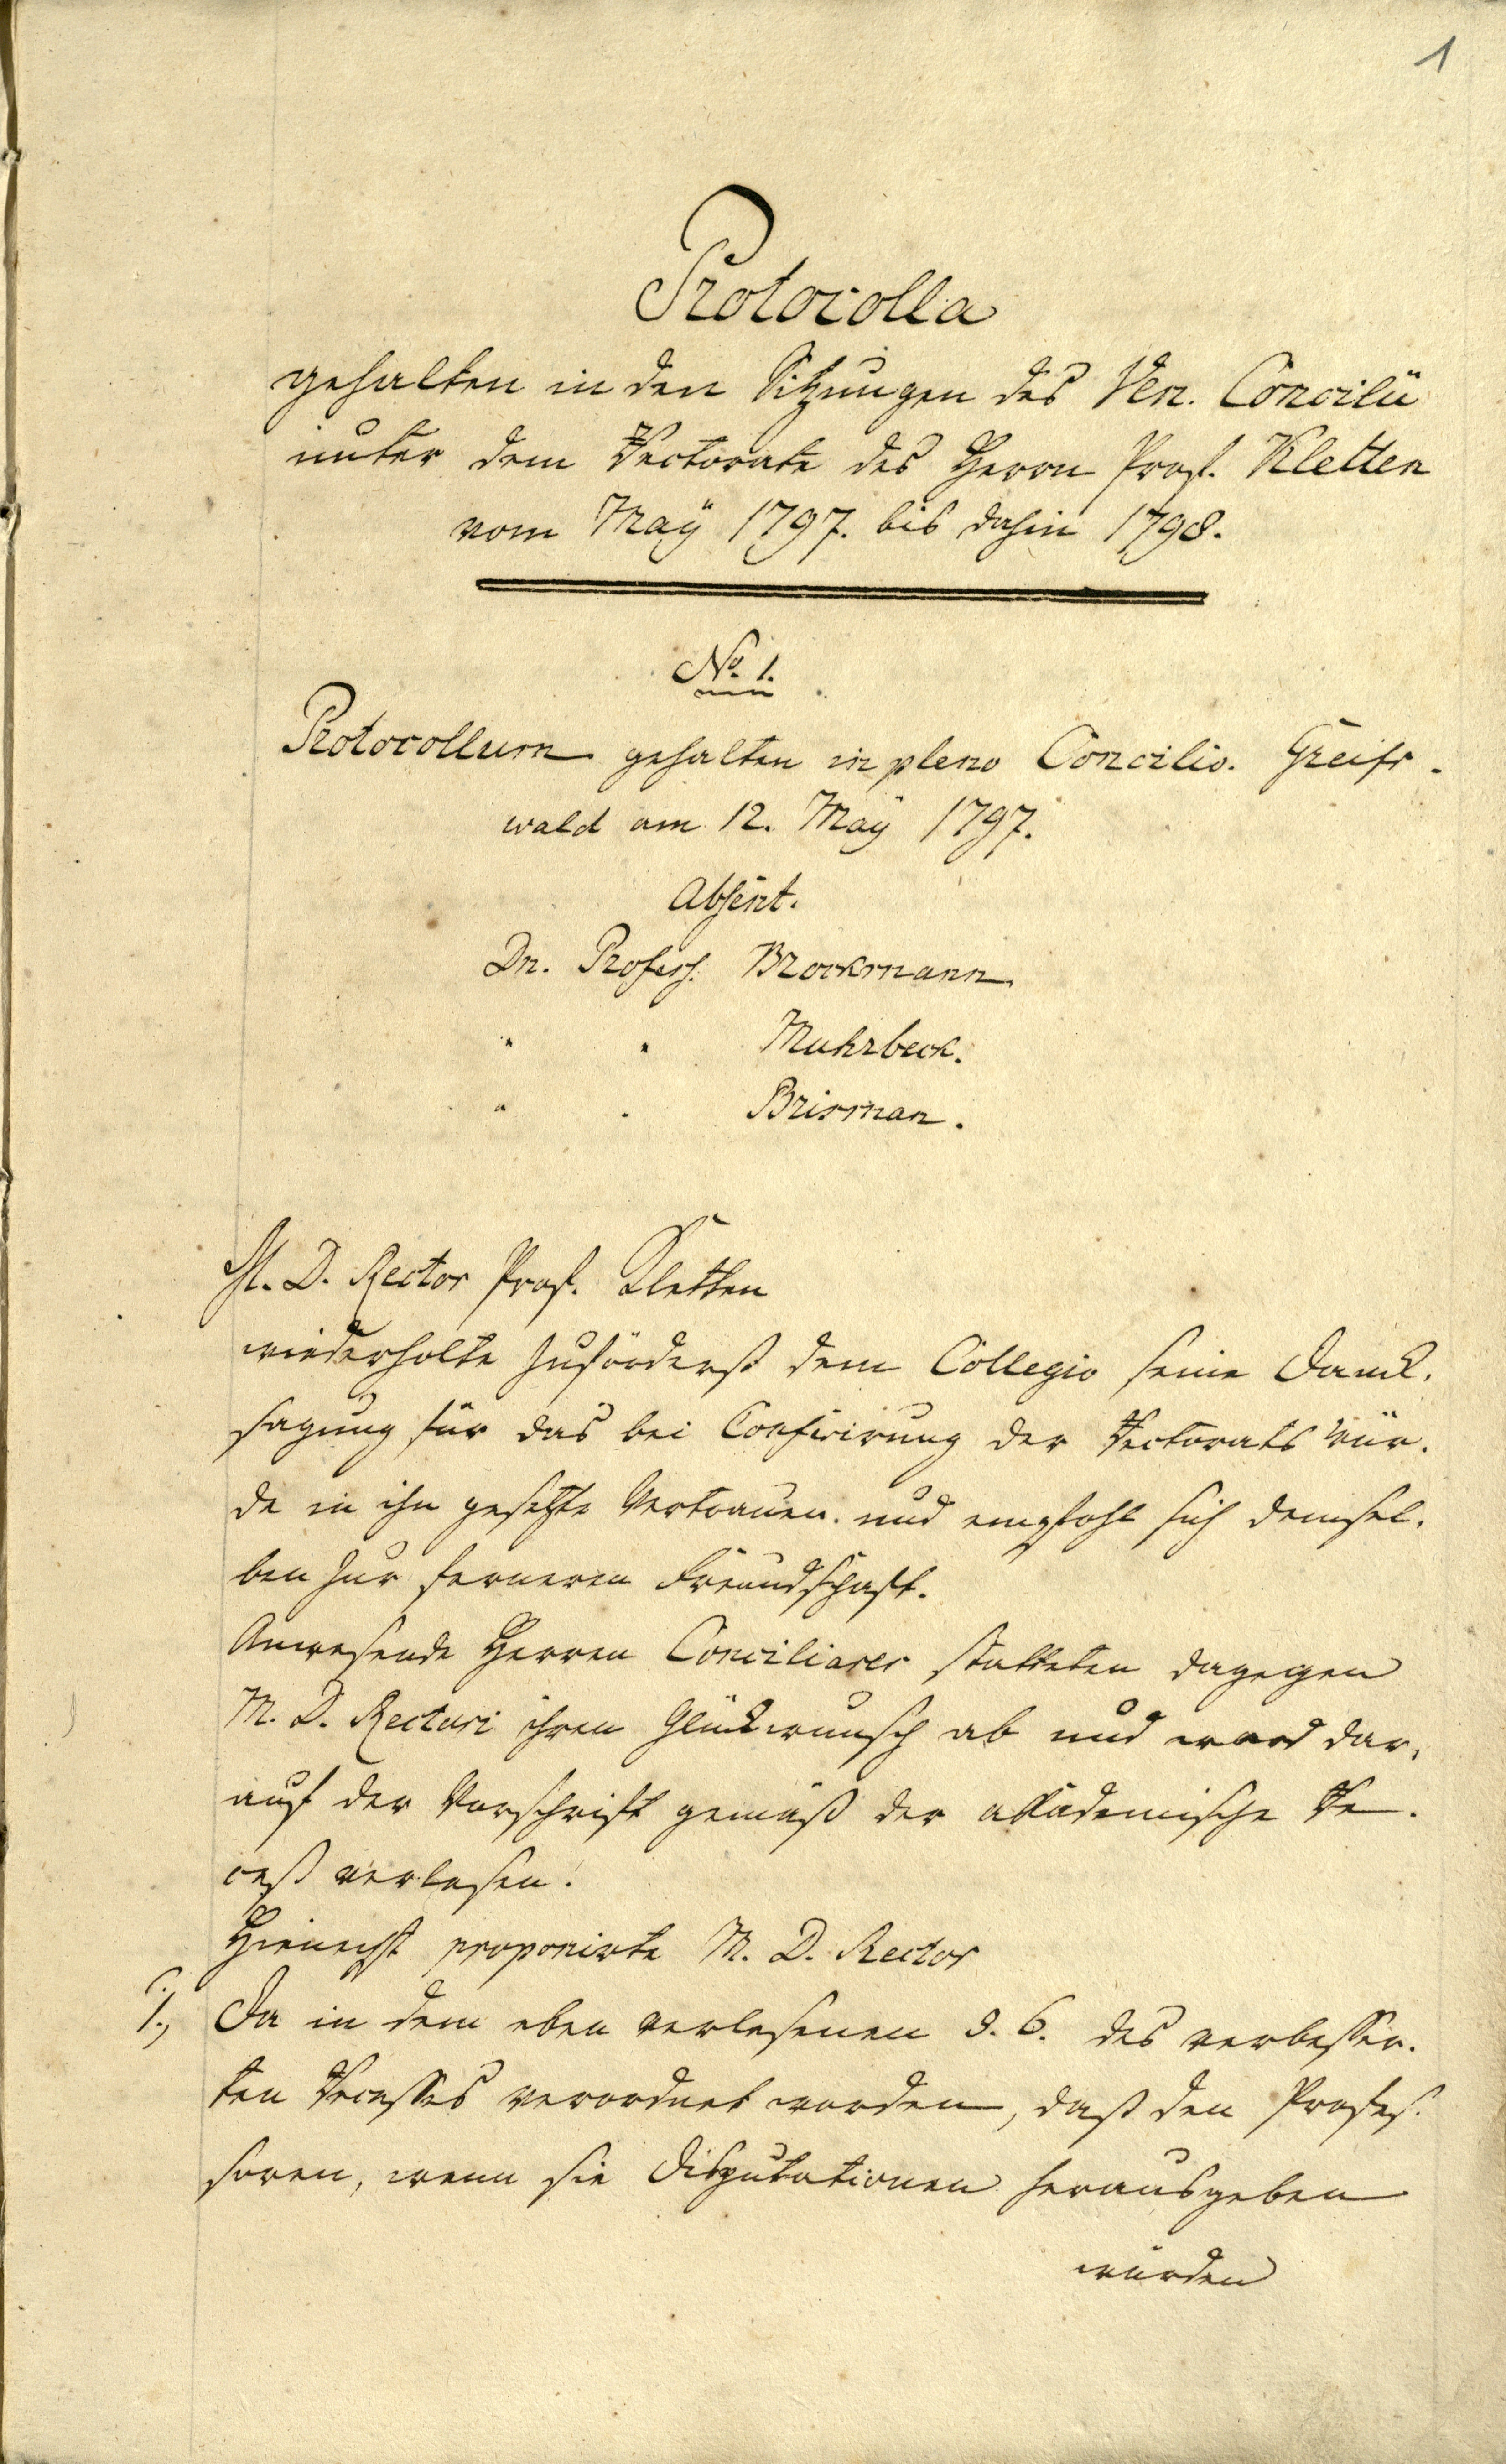Protocolla
gehalten in den Sitzungen des Ven. Concilii
unter dem Rectorate des Herrn Prof. Kletten
vom Maÿ 1797. bis dahin 1798.
Nº1.
Protocollum gehalten in pleno Concilio Greifs¬
wald am 12. Maÿ 1797.
Absent.
Dn. Profess. Brockmann
Muhrbeck.
Brisman.
M. D. Rector Prof. Kletten
wiederholte zuförderst dem Collegio seine Danck¬
sagung für das bei Conferirung der Rectorats wür¬
de in ihn gesetzte Vertrauen und empfahl sich demsel¬
ben zur ferneren Freundschaft.
Anwesende Herren Conciliares statteten dagegen
M. D . Rectori ihren Glückwunsch ab und ward dar¬
auf der Vorschrift gemäß der akademische Re¬
ceß verlesen.
Hienechst proponirte M . D . Rector
1., Da in dem eben verlesenen §. 6. des verbesser¬
ten Recesses verordnet worden , daß den Profes¬
soren, wenn sie Disputationen herausgeben
würden